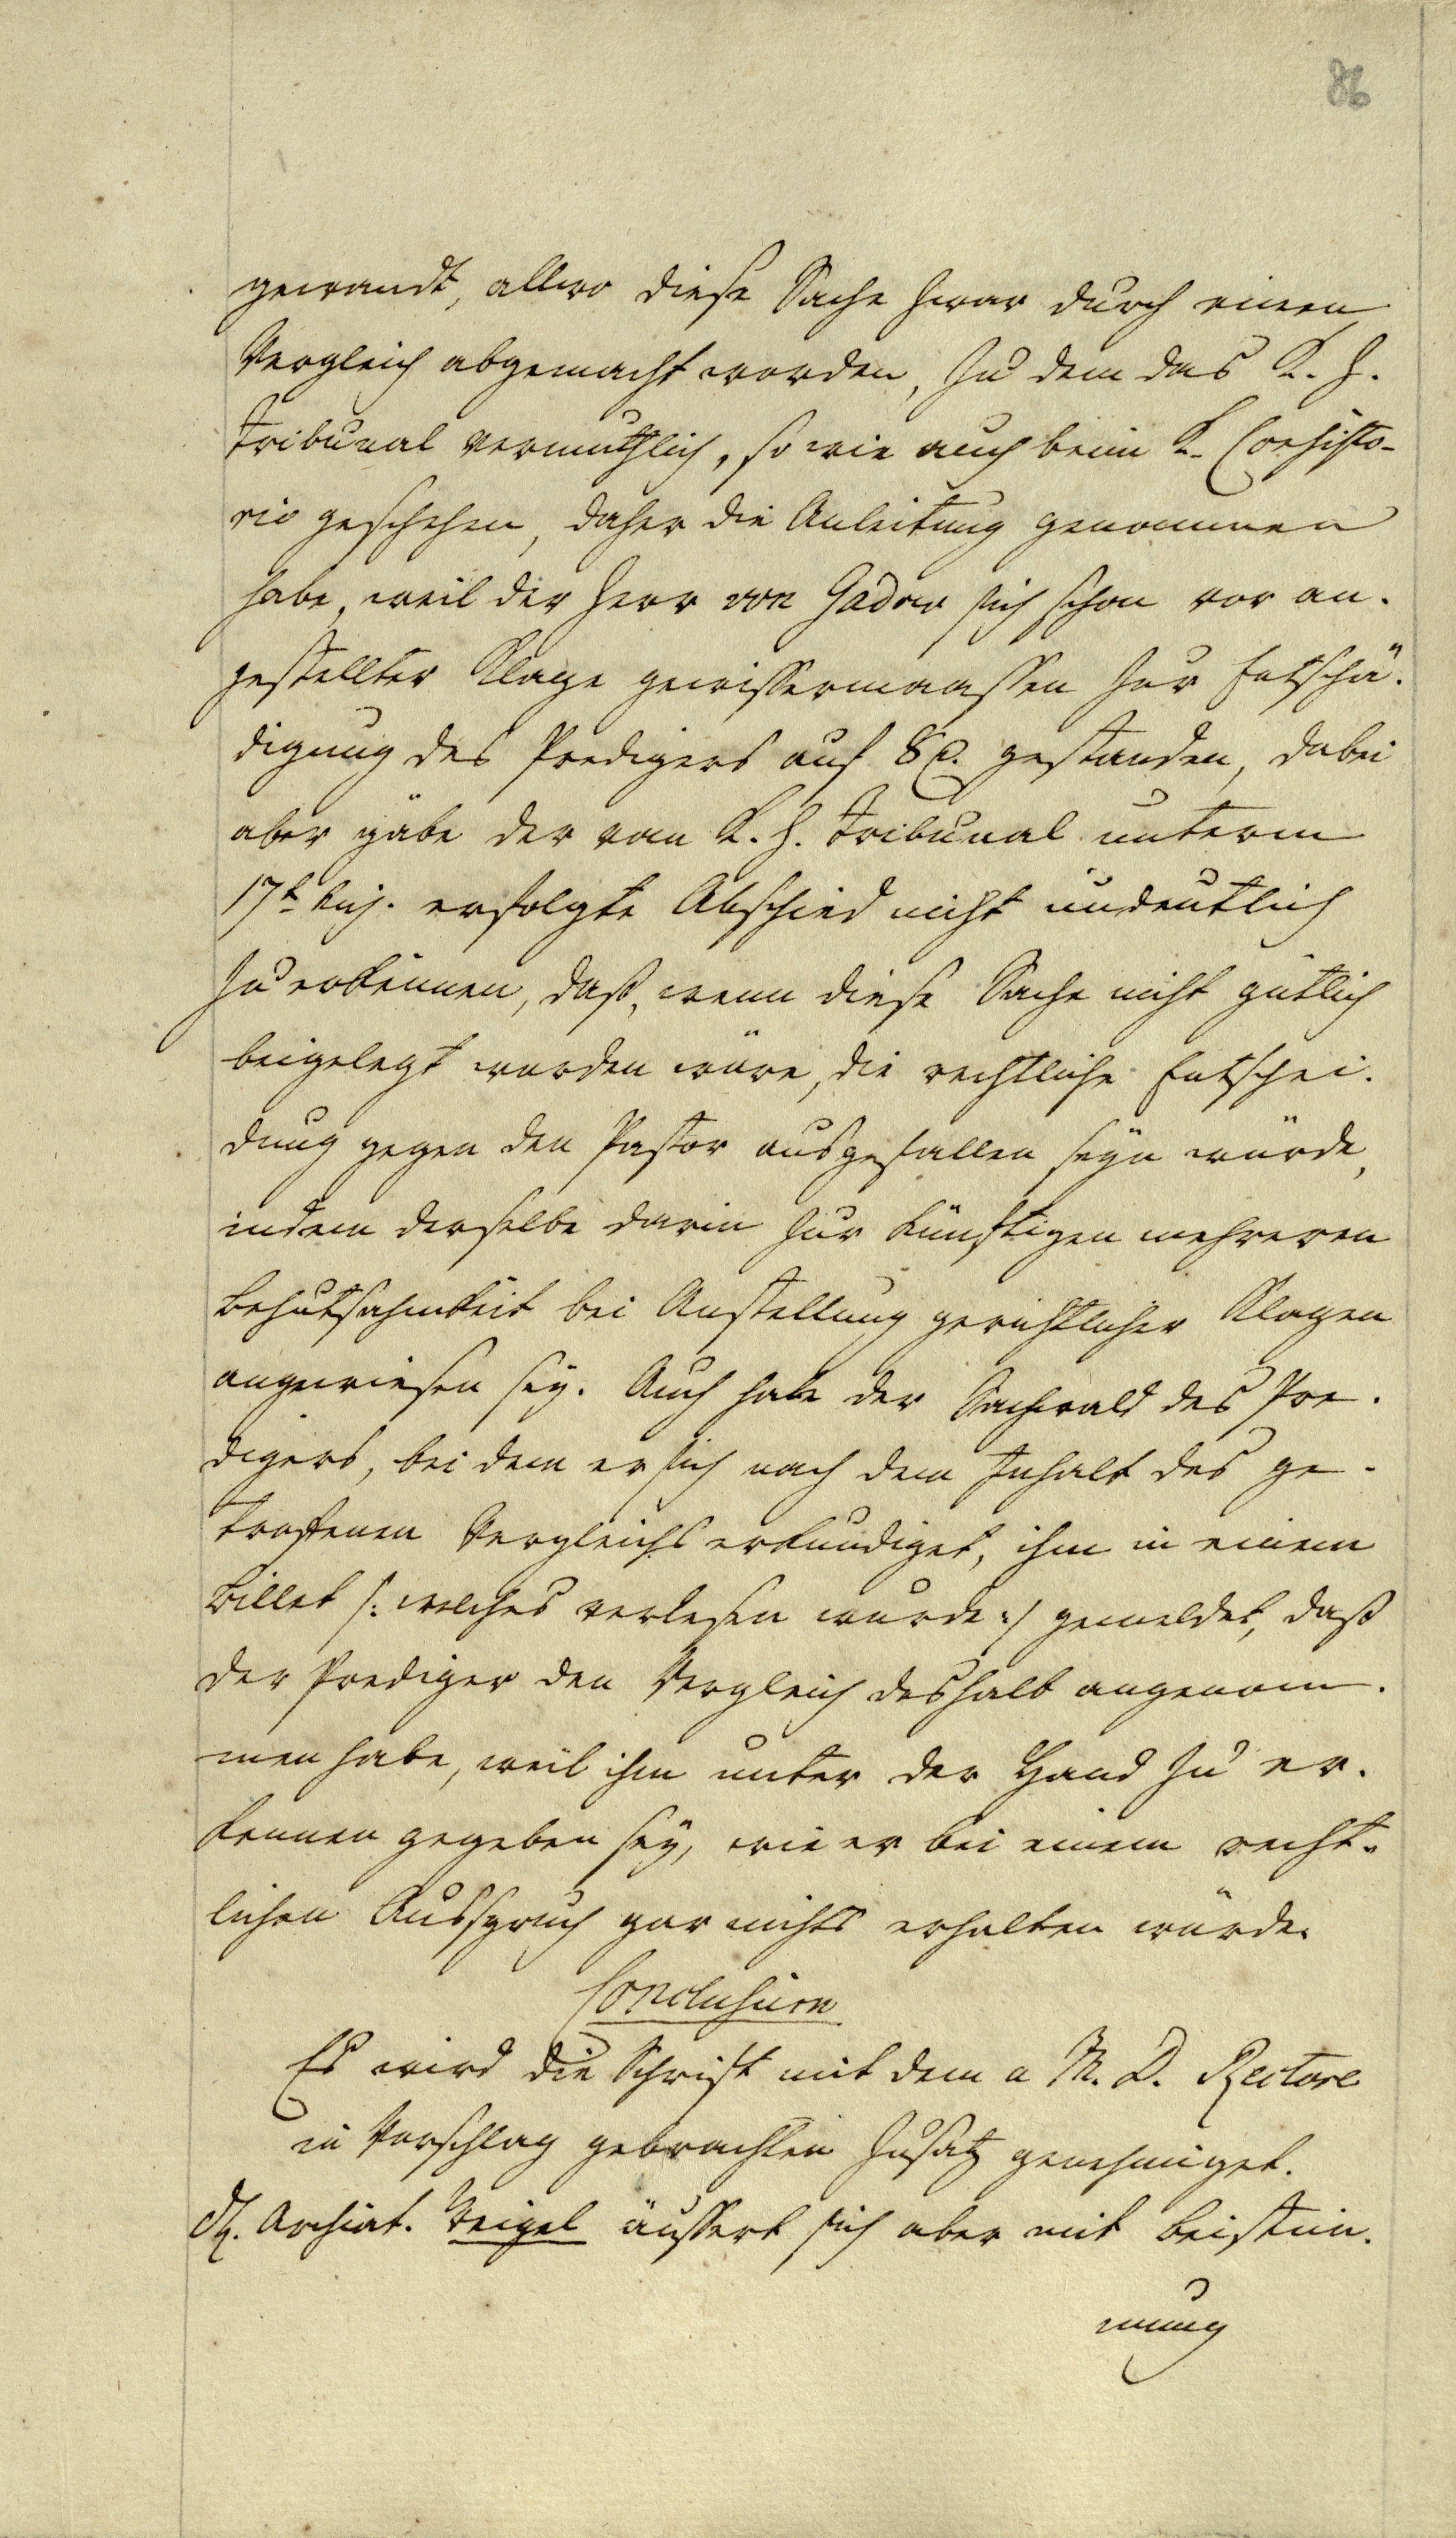gewandt, allwo diese Sache zwar durch einen
Vergleich abgemacht worden, zu dem das K. h.
Tribunal vermuthlich, so wie auch beim K. Consisto¬
rio geschehen, daher die Anleitung genommen
habe, weil der Herr von Gadow sich schon vor an¬
gestellter Klage gewissermaassen zur Entschä¬
digung des Predigers auf 8 l. gestanden, dabei
aber gäbe der vom K. H. Tribunal unterm
17 te huj. erfolgte Abschied nicht undeutlich
zu erkennen, daß wenn diese Sache nicht gütlich
beigelegt worden wäre, die rechtliche Entschei¬
dung gegen den Pastor ausgefallen seÿn würde,
indem derselbe darin zur künftigen mehreren
Behutsahmkeit bei Anstellung gerichtlicher Klagen
angewiesen seÿ. Auch habe der Sachwald des Pre¬
digers, bei dem er sich nach dem Inhalt des ge¬
troffenen Vergleichs erkundiget, ihm in einem
Billet /: welches verlesen wurde :/ gemeldet, daß
der Prediger den Vergleich deshalb angenom¬
men habe, weil ihm unter der Hand zu er¬
kennen gegeben seÿ, wie er bei einem recht¬
lichen Ausspruch gar nichts erhalten würde.
Conclusum.
Es wird die Schrift mit dem a M. D. Rectore
in Vorschlag gebrachten Zusatz genehmiget.
dh. Archiat. Weigel äussert sich aber mit Beistim¬
mung